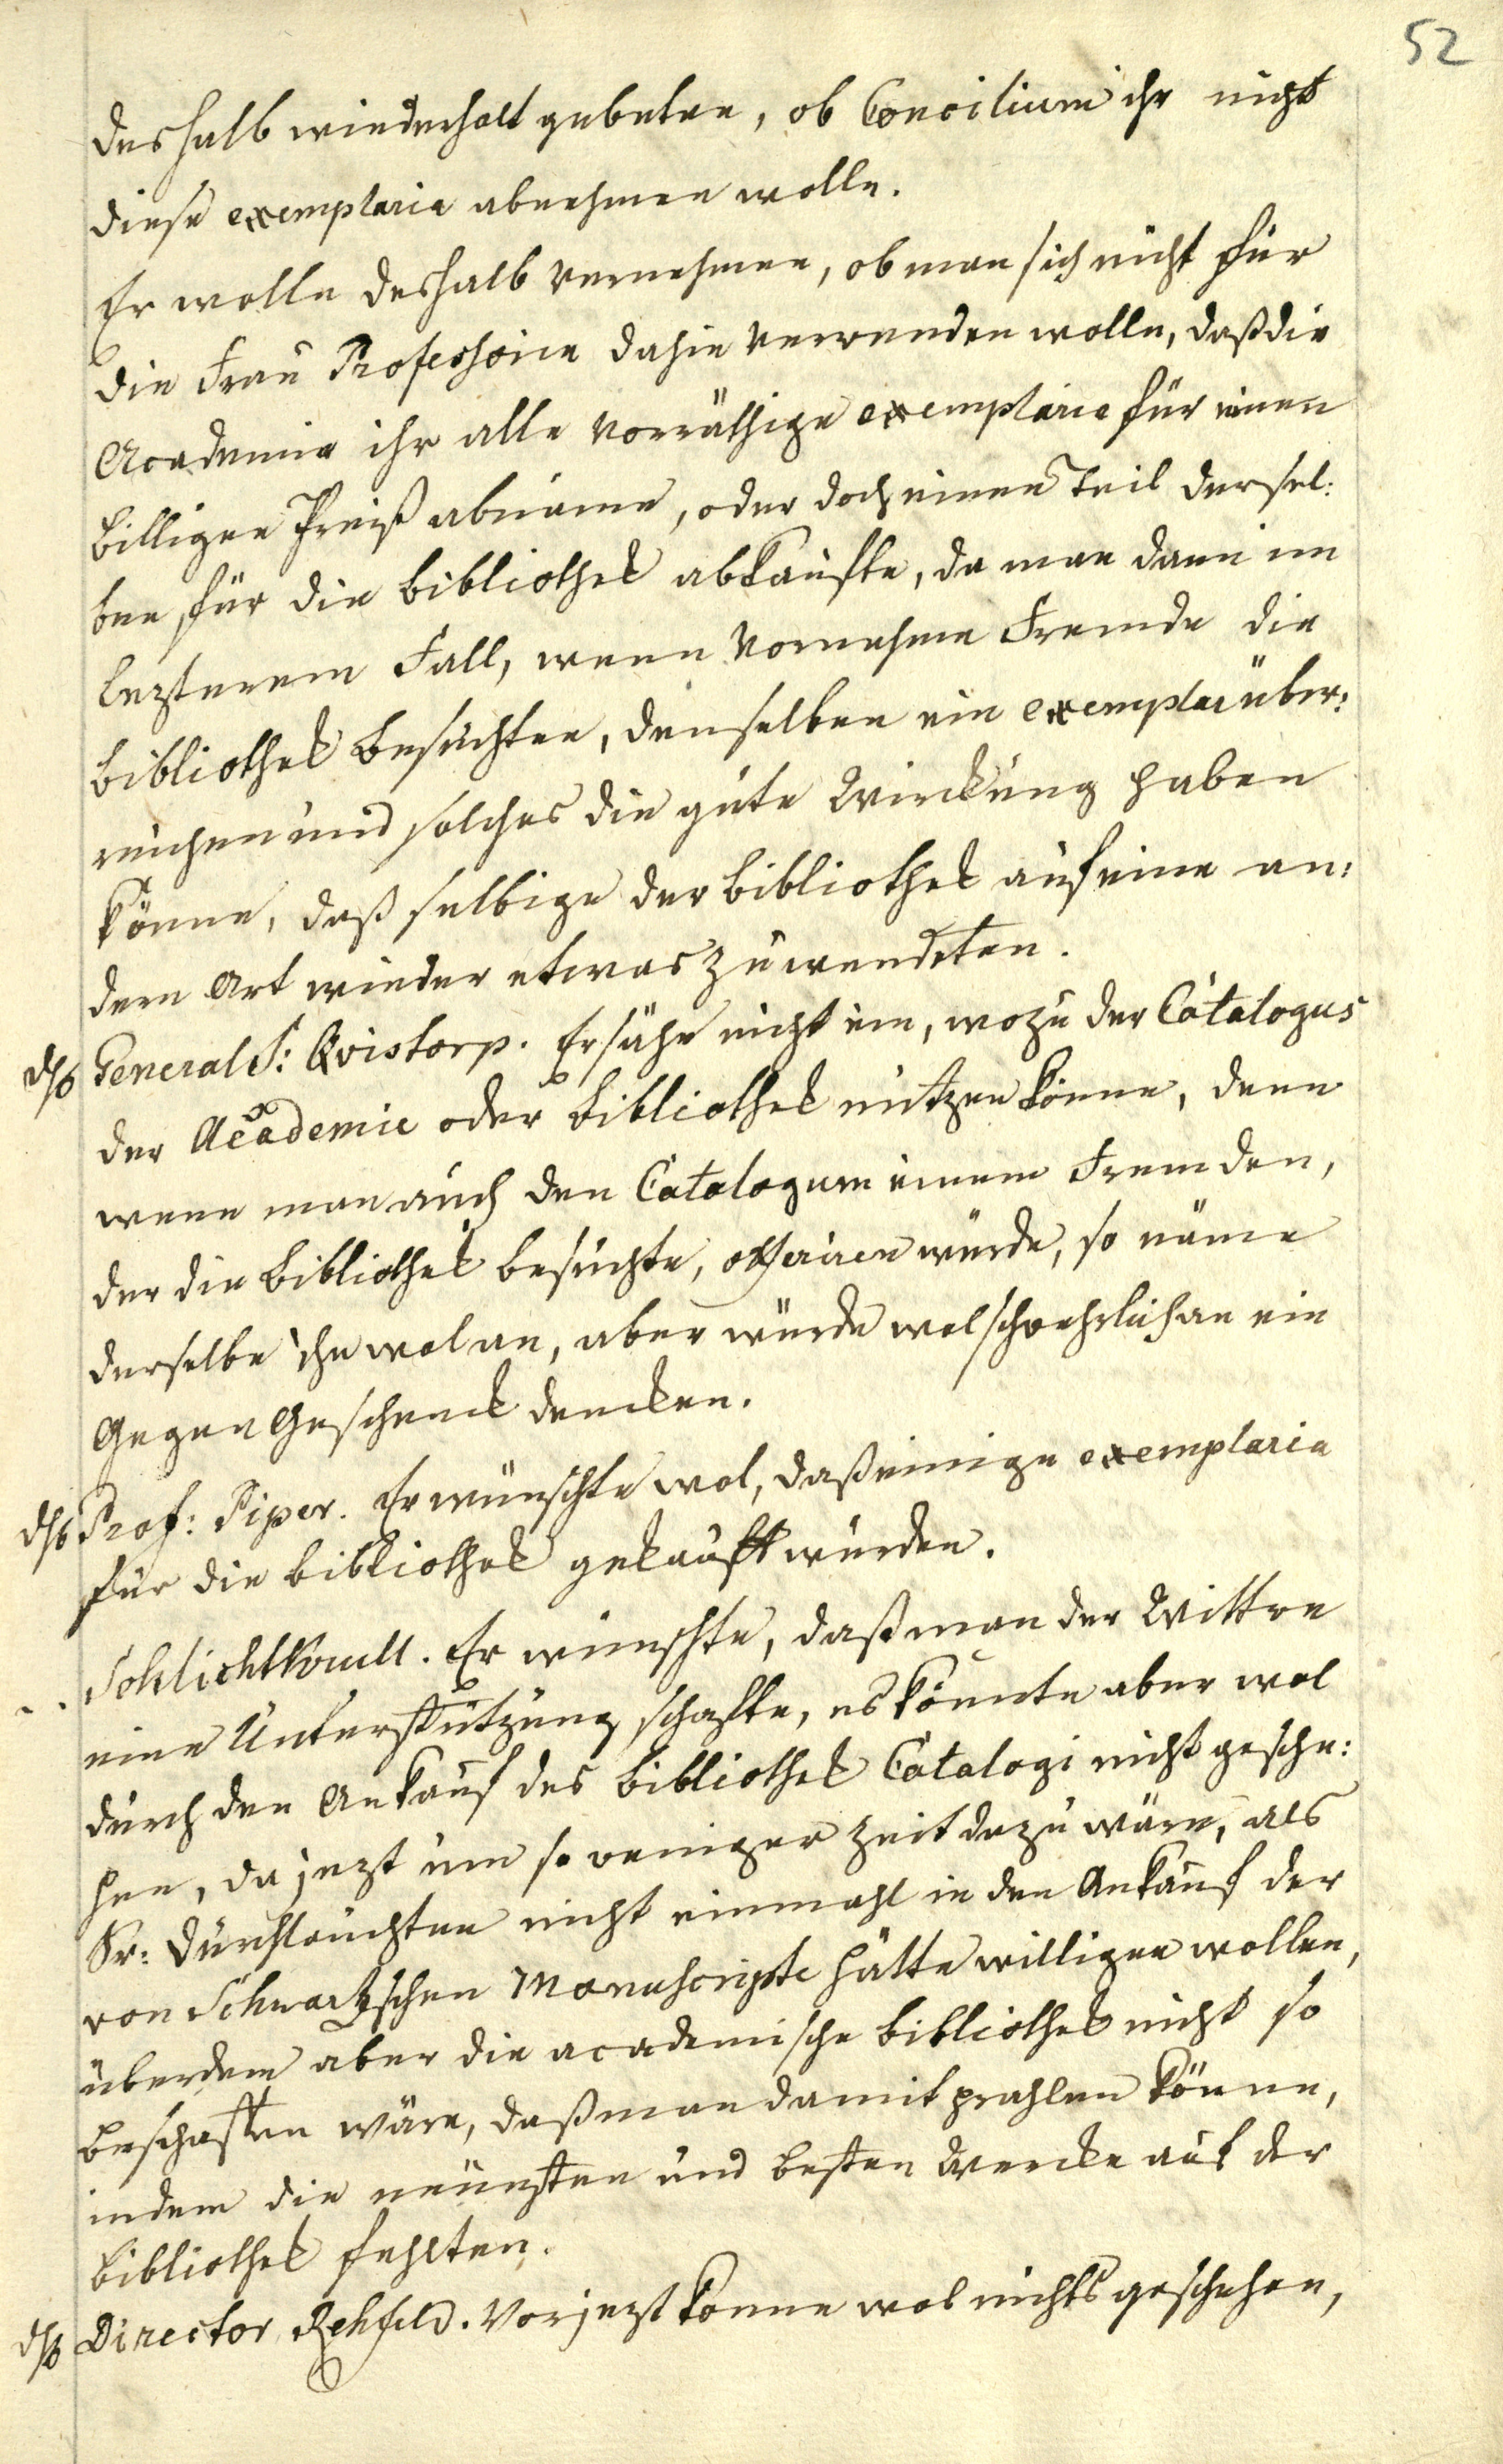deshalb wiederholt gebeten, ob Concilium ihr nicht
diese exemplaria abnehmen wolle.
Er wolle deshalb vernehmen, ob man sich nicht für
die Frau Professorin dahin verwenden wolle, daß die
Academie ihr alle vorräthige exemplaria für einen
billigen Preiß abnäme, oder doch einen Teil dersel¬
ben für die Bibliothek abkaufte, da man dann im
lezterem Fall, wenn vornehmen Freunde die
Bibliothek besuchten, denselben ein exemplar über¬
reichen und solches die gute Wirckung haben
könne, daß selbige der Bibliothek auf eine an¬
dern Art wieder etwas zu wendeten.
dh General S. Quistorp Er sähe nicht ein, wozu der Catalogus
der Academie oder Bibliothek nützen könne, denn
wenn manche den Catalogum einem Fremden,
der die Bibliothek besuchten, offeriren würde, so näme
derselbe ihn wol an aber würde wol schwehrlich an ein
Gegen Geschenck dencken.
dh Prof. Piper. Er wünschte wol, daß einige exemplaria
für die Bibliothek gekauft würden.
Schlichtkrull. Er wünschte, daß man der Wittwe
eine Unterstützung schafte, es könnte aber wol
durch den Ankauf des Bibliothek Catalogi nicht gesche¬
hen, da jezt um so weniger Zeit dazu wäre, als
Sr. Durchlauchten nicht einmahl in den Ankauf der
von Schwartzschen Manuscripte hätte willigen wollen,
überdem aber die academische Bibliothek nicht so
beschaffen wäre, daß man damit prahlen könne,
indem die neuesten und besten Wercke auf der
Bibliothek fehlten.
dh Director Rehfeld. Vorjezt könne wol nichts geschehen,